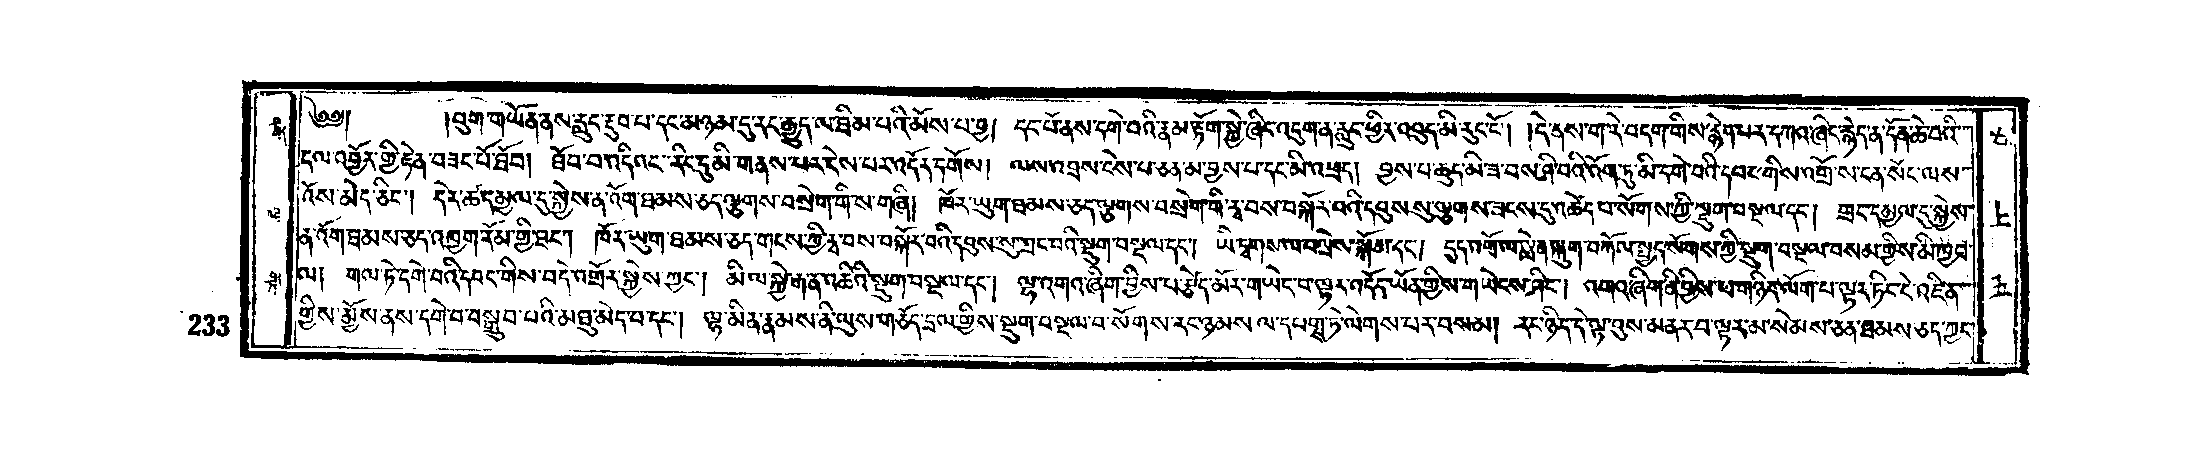༄༅། །བུག་གཡོན་ནས་རླུང་རྡུབ་པ་དང་མཉམ་དུ་རང་རྒྱུད་ལ་ཐིམ་པའི་མོས་པ་བྱ། དང་པོ་ནས་དགེ་བའི་རྣམ་རྟོག་སྐྱེ་ཞིང་འདུག་ན་རླུང་ཕྱིར་འབུད་མི་རུང་ངོ། །དེ་ནས་ག་རེ་བདག་གིས་རྙེད་པར་དཀའ་ཞིང་རྙེད་ན་དོན་ཆེ་བའི་
དལ་འབྱོར་གྱི་རྟེན་བཟང་པོ་ཐོབ། ཐོབ་པ་འདིའང་རིང་དུ་མི་གནས་པར་ངེས་པར་འདོར་དགོས། ལས་འབྲས་ངེས་པ་ཅན་མ་བྱས་པ་དང་མི་འཕྲད། བྱས་པ་ཆུད་མི་ཟ་བས་ཤི་བའི་འོག་ཏུ་མི་དགེ་བའི་དབང་གིས་འགྲོ་ས་ངན་སོང་ལས་
འོས་མེད་ཅིང་། དེར་ཚད་མྱལ་དུ་སྐྱེས་ན་འོག་ཐམས་ཅད་ལྕགས་བསྲེག་གི་ས་གཞི། ཁོར་ཡུག་ཐམས་ཅད་ལྕགས་བསྲེག་གི་རྭ་བས་བསྐོར་བའི་དབུས་སུ་ལྕགས་ཟངས་དུ་འཚེད་པ་སོགས་ཀྱི་སྡུག་བསྔལ་དང་། གྲང་དམྱལ་དུ་སྐྱེས་
ན་འོག་ཐམས་ཅད་འཁྱག་རོམ་གྱི་ཐང་། ཁོར་ཡུག་ཐམས་ཅད་གངས་ཀྱི་རྭ་བས་བསྐོར་བའི་དབུས་སུ་གྲང་བའི་སྡུག་བསྔལ་དང་། ཡི་དྭགས་ལ་བསྲེས་སྐོམ་དང་། དུད་འགྲོ་ལ་སླེན་སྐུག་བཀོལ་སྤྱད་སོགས་ཀྱི་སྡུག་བསྔལ་བསམ་གྱིས་མི་ཁྱབ་
ལ། གལ་ཏེ་དགེ་བའི་དབང་གིས་བདེ་འགྲོར་སྐྱེས་ཀྱང་། མི་ལ་སྐྱེ་རྒ་ན་འཆིའི་སྡུག་བསྔལ་དང་། ལྷ་འགའ་ཞིག་བྱིས་པ་རྩེད་མོར་གཡེང་བ་ལྟར་འདོད་ཡོན་གྱིས་གཡེངས་ཤིང་། འགའ་ཞིག་ནི་བྱིས་པ་གཉིད་ལོག་པ་ལྟར་ཏིང་ངེ་འཛིན་
གྱིས་མྱོས་ནས་དགེ་བ་བསྒྲུབ་པའི་མཐུ་མེད་པ་དང་། ལྷ་མིན་རྣམས་ནི་ལུས་གཅོད་དྲལ་གྱིས་སྡུག་བསྔལ་བ་སོགས་རང་ཉམས་ལ་དཔགས་ཏེ་ལེགས་པར་བསམ། རང་ཉིད་དེ་ལྟ་བུས་མནར་བ་ལྟར་མ་སེམས་ཅན་ཐམས་ཅད་ཀྱང་